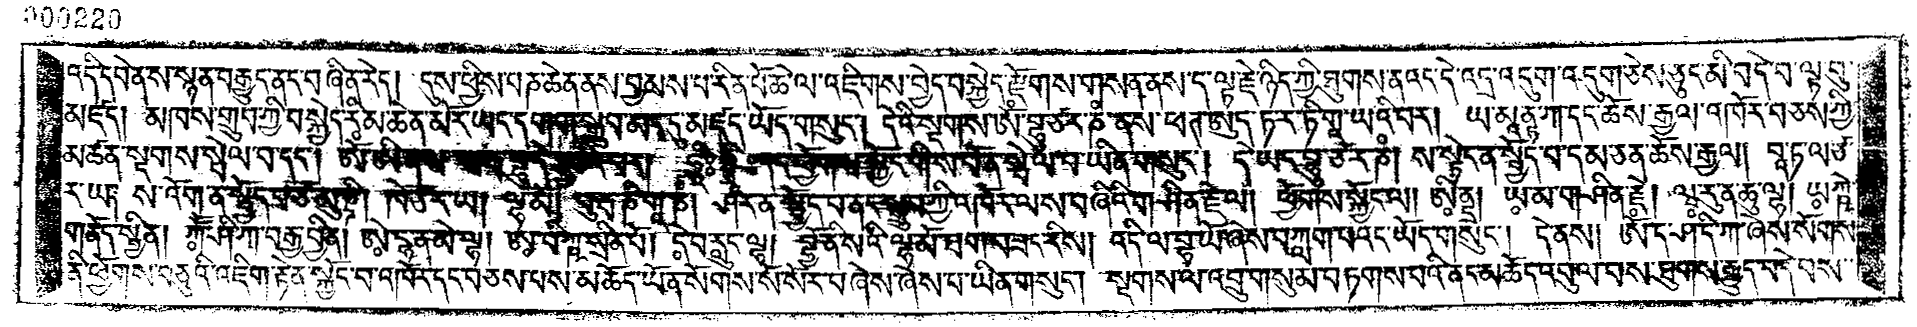འདི་དབེན་ས་སྙན་བརྒྱུད་ནང་བཞིན་རེད། དུས་ཕྱིས་པཎ་ཆེན་ནས་བྱམས་པ་རིན་པོ་ཆེ་ལ་འཇིགས་བྱེད་བསྐྱེད་རྫོགས་གསན་ནས་ད་ལྟ་རྗེ་ཉིད་ཀྱི་ཐུགས་ནའང་དེ་འདྲ་འདུག་འདུག་ཅེས་ཅུང་མི་བདེ་བ་ལྟ་བུ་
མཛད༑ མཁས་གྲུབ་ཀྱི་བསྐྱེད་རིམ་ཆེན་མོར་ཡང་དགག་སྒྲུབ་མང་དུ་མཛད་ཡོད་གསུང་། དེའི་སྔགས་ཨོཾ་བྷུ་ཙ་ར་ཎཾ་ནས་ཕཊ་ཨུད་ཏ་ར་ཏི་གཱ་ཡའི་བར། ཡ་མཱནྟ་ཀ་དང་ཆོས་རྒྱལ་འཁོར་བཅས་ཀྱི་
མཚན་སྔགས་སྤེལ་བ་དང་། ཨོཾ་ཨི་ནས་སརྦ་བྷུ་དེ་བྷྱཿའི་བར། ཧྲཱིཿ ཥྚྲཱིཿ དང་ཕྱོགས་སྐྱོང་གི་ས་བོན་སྤེལ་བ་ཡིན་གསུང་། དེ་ཡང་བྷུ་ཙ་ར་ཎཾ། ས་སྟེང་ན་སྤྱོད་པ་དམ་ཅན་ཆོས་རྒྱལ། བཱ་ཏ་ལ་ཙ་
ར་ཡ༑ ས་འོག་ན་སྤྱོད་པ་ཙ་མུ་ཎྜི། ཁེ་ཙ་ར་ཡ། ལྷ་མོ། པུརྦ་ཎི་གཱ་ཎཾ། ཤར་ན་སྤྱོད་པ་ནང་སྒྲུབ་ཀྱི་འཁོར་ལས་བཞིའི་གཤིན་རྗེ་ལ། ཕྱོགས་སྐྱོང་ལ། ཨིནྡྲ྾། ཡ྾་མ་གཤིན་རྗེ། ཝ྾་རུ་ན་ཆུ་ལྷ། ཡཀྵེ྾་
གནོད་སྦྱིན། ཀཽ྾་ཤི་ཀ་བརྒྱ་བྱིན། ཨེ྾་དྷ་ན་མེ་ལྷ། ཨ྾་བི་ཀྵ་སྲིན་པོ། དེ྾་བ་རླུང་ལྷ། བྷྱོ་ནི་སའི་ལྷ་མོ་ཐག་བཟང་རིས། འདི་ལ་བྷ་ཡོ་ཞེས་བཀླག་པའང་ཡོད་གསུང་། དེ་ནས། ཨོཾ་ད་ཤཾ་དི་ཀ་ཞེས་སོགས་
ནི་ཕྱོགས་བཅུའི་འཇིག་རྟེན་སྐྱོང་བ་འཁོར་དང་བཅས་པས་མཆོད་ཡོན་སོགས་སོ་སོར་བཞེས་ཞེས་པ་ཡིན་གསུང་། སྔགས་ལ་འབྲུ་གསུམ་བཏགས་པའི་ནང་མཆོད་འབུལ་བས་ཐུགས་རྒྱུད་བདེ་བས་